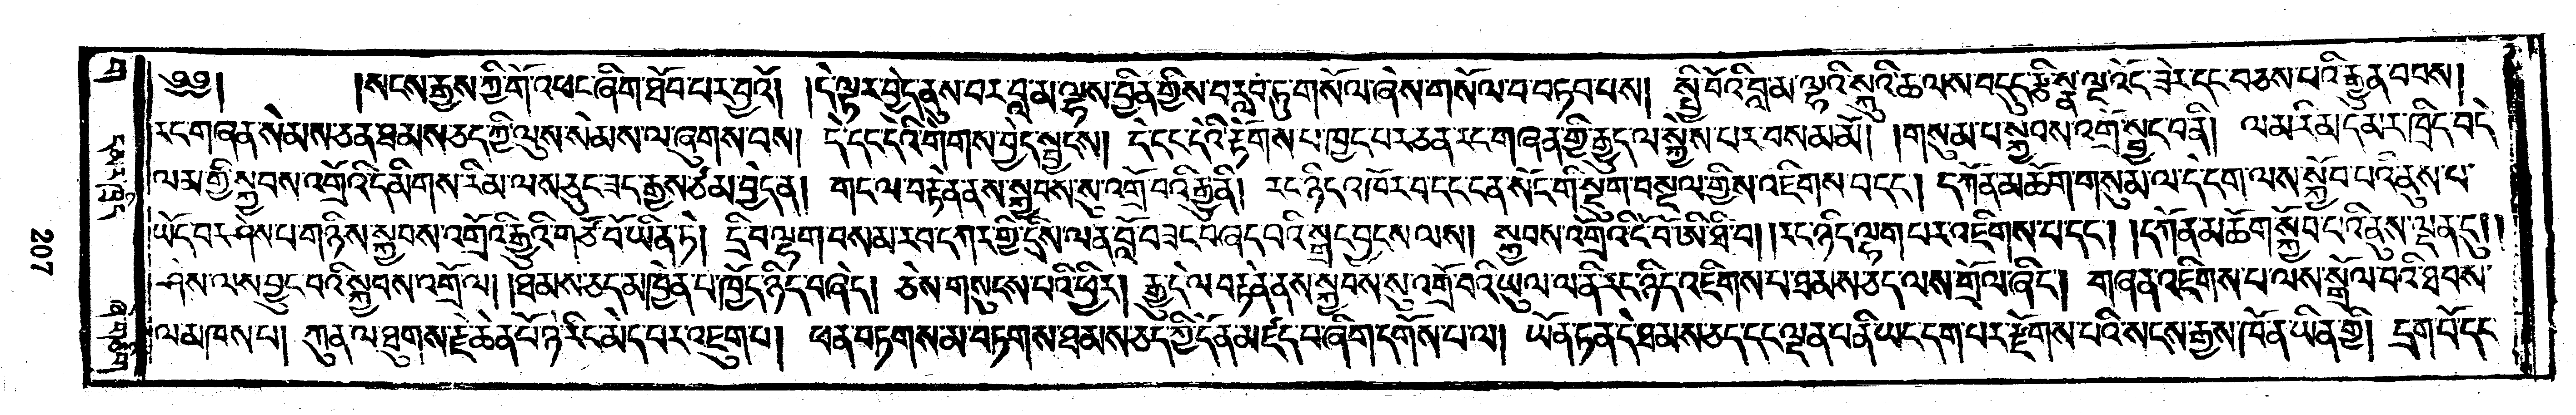༄༅། །སངས་རྒྱས་ཀྱི་གོ་འཕང་ཞིག་ཐོབ་པར་བྱའོ། །དེ་ལྟར་བྱེད་ནུས་པར་བླ་མ་ལྷས་བྱིན་གྱིས་བརླབ་ཏུ་གསོལ་ཞེས་གསོལ་བ་བཏབ་པས། སྤྱི་བོའི་བླ་མ་ལྷའི་སྐུའི་ཆ་ལས་བདུད་རྩི་སྣ་ལྔ་འོད་ཟེར་དང་བཅས་པའི་རྒྱུན་བབས།
རང་གཞན་སེམས་ཅན་ཐམས་ཅད་ཀྱི་ལུས་སེམས་ལ་ཞུགས་བས། དེ་དང་དེའི་གེགས་བྱེད་སྦྱངས། དེ་དང་དེའི་རྟོགས་པ་ཁྱད་པར་ཅན་རང་གཞན་གྱི་རྒྱུད་ལ་སྐྱེས་པར་བསམ་མོ། །གསུམ་པ་སྐྱབས་འགྲོ་སྦྱང་བ་ནི། ལམ་རིམ་དམར་ཁྲིད་བདེ་
ལམ་གྱི་སྐྱབས་འགྲོའི་དམིགས་རིམ་ལས་ཅུང་ཟད་རྒྱས་ཙམ་བྱེད་ན། གང་ལ་བརྟེན་ནས་སྐྱབས་སུ་འགྲོ་བའི་རྒྱུ་ནི། རང་ཉིད་འཁོར་བ་དང་ངན་སོང་གི་སྡུག་བསྔལ་གྱིས་འཇིགས་པ་དང་། དཀོན་མཆོག་གསུམ་ལ་དེ་དག་ལས་སྐྱོབ་པའི་ནུས་པ་
ཡོད་བར་ཤེས་པ་གཉིས་སྐྱབས་འགྲོའི་རྒྱུའི་གཙོ་བོ་ཡིན་ཏེ། དྲི་བ་ལྷག་བསམ་རབ་དཀར་གྱི་དྲིས་ལན་བློ་བཟང་བཞད་པའི་སྒྲ་དབྱངས་ལས། སྐྱབས་འགྲོའི་ངོ་བོ་ཨི་ཐི་བ། །རང་ཉིད་ལྷག་པར་འཇིགས་པ་དང་། །དཀོན་མཆོག་སྐྱོབ་པའི་ནུས་ལྡན་དུ།།
ཤེས་ལས་བྱུང་བའི་སྐྱབས་འགྲོ་ལ། །ཐམས་ཅད་མཁྱེན་པ་ཁྱོད་ཉིད་བཞེད། ཅེས་གསུངས་པའི་ཕྱིར། རྒྱུ་དེ་ལ་བརྟེན་ནས་བསྐྱབས་སུ་འགྲོ་བའི་ཡུལ་ལ་ནི་རང་ཉིད་འཇིགས་པ་ཐམས་ཅད་ལས་གྲོལ་ཞིང་། གཞན་འཇིགས་པ་ལས་སྒྲོལ་བའི་ཐབས་
ལ་མཁས་པ། ཀུན་ལ་ཐུགས་རྗེ་ཆེན་པོ་ཉེ་རིང་མེད་པར་འཇུག་པ། ཕན་བཏགས་མ་བཏགས་ཐམས་ཅད་ཀྱི་དོན་མཛད་བ་ཞིག་དགོས་པ་ལ། ཡོན་ཏན་དེ་ཐམས་ཅད་དང་ལྡན་པ་ནི་ཡང་དག་པར་རྫོགས་པའི་སངས་རྒྱས་ཁོ་ན་ཡིན་གྱི། དྲག་པོ་དང་